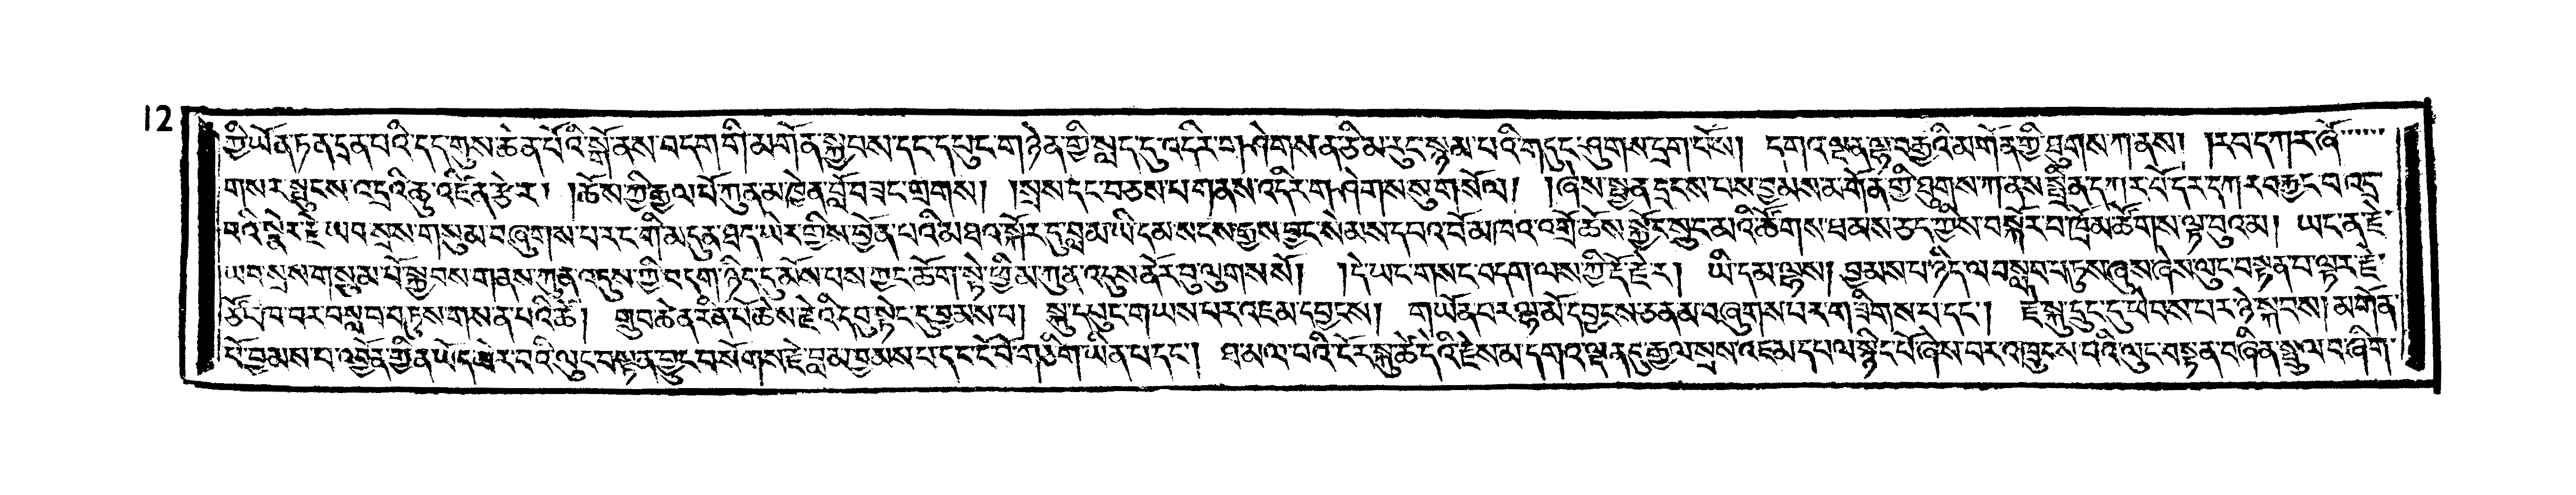ཀྱི་ཡོན་ཏན་དྲན་པའི་དད་གུས་ཆེན་པོའི་སྒོ་ནས་བདག་གི་མགོན་སྐྱབས་དང་དཔུང་གཉེན་གྱི་སླད་དུ་འདིར་གཤེགས་ན་ཅི་མ་རུང་སྙམ་པའི་གདུང་ཤུགས་དྲག་པོས། དགའ་ལྡན་ལྷ་བརྒྱའི་མགོན་གྱི་ཐུགས་ཀ་ནས། །རབ་དཀར་ཞོ་
གསར་སྤུངས་འདྲའི་ཆུ་འཛིན་རྩེར། །ཆོས་ཀྱི་རྒྱལ་པོ་ཀུན་མཁྱེན་བློ་བཟང་གྲགས། །སྲས་དང་བཅས་པ་གནས་འདིར་གཤེགས་སུ་གསོལ། །ཞེས་སྤྱན་དྲངས་པས་བྱམས་མགོན་གྱི་ཐུགས་ཀ་ནས་སྤྲིན་དཀར་པོ་དར་དཀར་བརྐྱང་བ་འདྲ་
བའི་སྣེར་རྗེ་ཡབ་སྲས་གསུམ་བཞུགས་པ་རང་གི་མདུན་ཐད་ཡེར་གྱིས་བྱོན་པའི་མཐའ་སྐོར་དུ་བླ་མ་ཡི་དམ་སངས་རྒྱས་བྱང་སེམས་དཔའ་བོ་མཁའ་འགྲོ་ཆོས་སྐྱོང་སྲུང་མའི་ཚོགས་ཐམས་ཅད་ཀྱིས་བསྐོར་བ་ཁྲོམ་ཚོགས་ལྟ་བུའམ། ཡང་ན་རྗེ་
ཡབ་སྲས་གསུམ་པོ་སྐྱབས་གནས་ཀུན་འདུས་ཀྱི་བདག་ཉིད་དུ་མོས་པས་ཀྱང་ཆོག་སྟེ་ཕྱི་མ་ཀུན་འདུས་ནོར་བུ་ལུགས་སོ། །དེ་ཡང་གསང་བདག་ལས་ཀྱི་རྡོ་རྗེར། ཡི་དམ་ལྷས། བྱམས་པ་ཡིད་ལ་བསླབ་པ་ཏུས་ཞུས་ཞེས་ལུང་བསྟན་པ་ལྟར་རྗེ་
ཙོང་ཁ་པར་བསླབ་བཏུས་གསན་པའི་ཚེ། གྲུབ་ཆེན་རིན་པོ་ཆེས་རྗེའི་དབུ་སྟེང་དུ་བྱམས་པ། སྐུ་དཔུང་གཡས་པར་འཇམ་དབྱངས། གཡོན་པར་ལྷ་མོ་དབྱངས་ཅན་མ་བཞུགས་པར་གཟིགས་པ་དང་། རྗེ་སྐུ་དྲུང་དུ་ཕེབས་པར་ཉེ་སྐབས། མགོན་
པོ་བྱམས་པ་འབྱོན་གྱིན་ཡོད་ཟེར་བའི་ལུང་བསྟན་བྱུང་བ་སོགས་རྗེ་བླ་མ་བྱམས་པ་དང་ངོ་བོ་གཅིག་ཡིན་པ་དང་། ཐ་མལ་པའི་ངོར་སྐུ་ཚེ་དེའི་རྗེས་མ་དགའ་ལྡན་དུ་རྒྱལ་སྲས་འཇམ་དཔལ་སྙིང་པོ་ཞེས་པར་འཁྲུངས་པའི་ལུང་བསྟན་བཞིན་སྤྲུལ་བ་ཞིག་